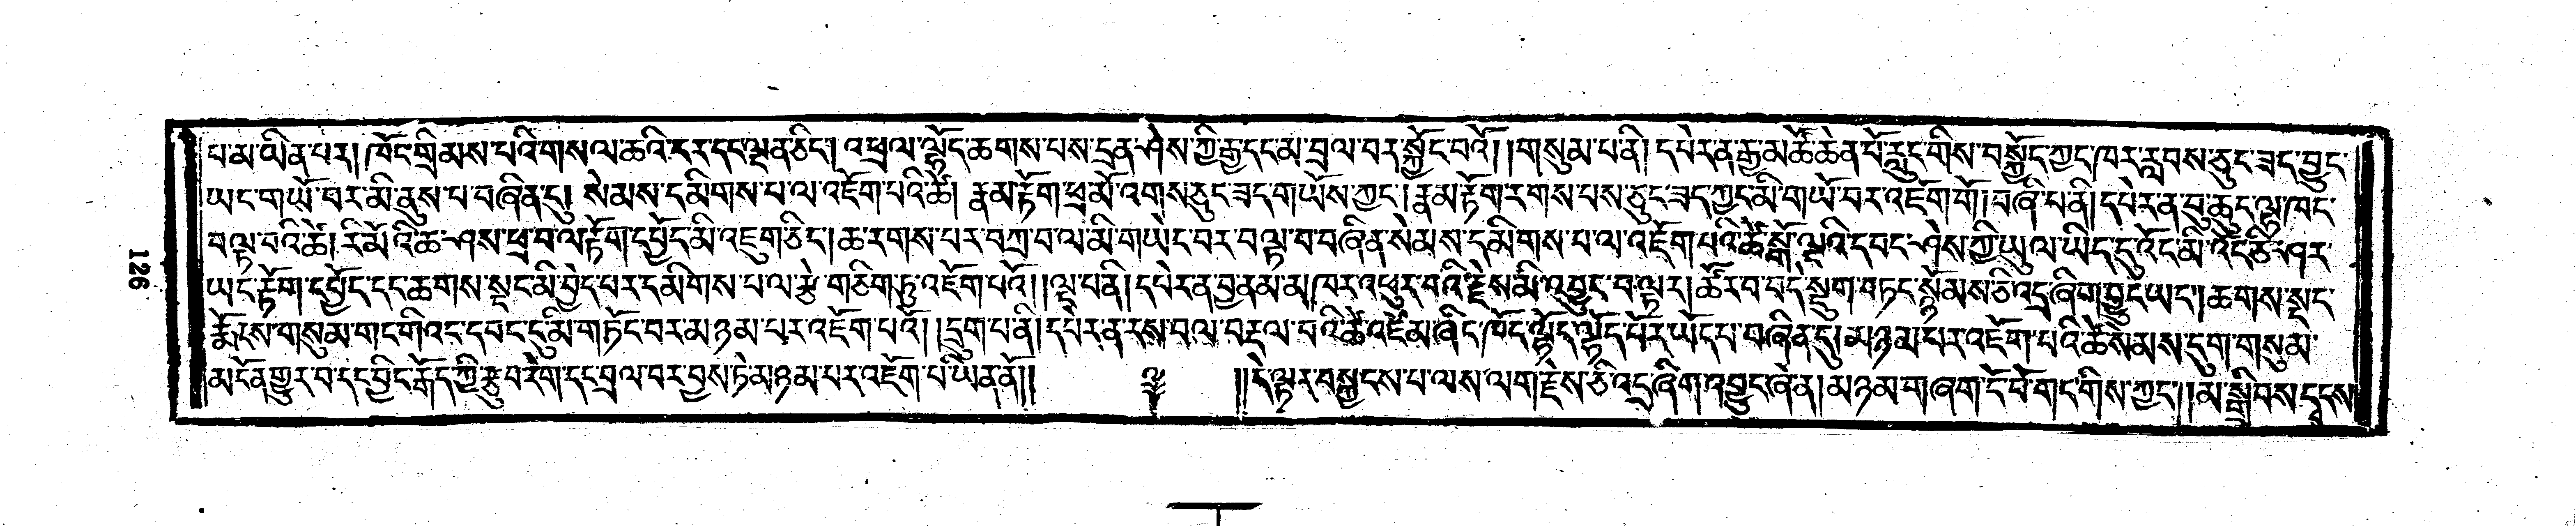པ་མ་ཡིན་པར། ཁོང་གྲིམས་པའི་གསལ་ཆའི་དར་དང་ལྡན་ཅིང་། འཕྲལ་ལྷོད་ཆགས་པས་དྲན་ཤེས་ཀྱི་རྒྱ་དང་མ་བྲལ་བར་སྐྱོང་བའོ། །གསུམ་པ་ནི། དཔེར་ན་རྒྱ་མཚོ་ཆེན་པོ་རླུང་གིས་བསྐྱོད་ཀྱང་ཁར་རླབས་ཅུང་ཟད་བྱུང་
ཡང་གཡོ་བར་མི་ནུས་པ་བཞིན་དུ། སེམས་དམིགས་པ་ལ་འཇོག་པའི་ཚེ། རྣམ་རྟོག་ཕྲ་མོ་འགས་ཅུང་ཟད་གཡོས་ཀྱང་། རྣམ་རྟོག་རགས་པས་ཅུང་ཟད་ཀྱང་མི་གཡོ་བར་འཇོག་གོ །བཞི་པ་ནི། དཔེར་ན་བུ་ཆུང་ལྷ་ཁང་
བལྟ་བའི་ཚེ། རི་མོའི་ཆ་ཤས་ཕྲ་བ་ལ་རྟོག་དཔྱོད་མི་འཇུག་ཅིང་། ཆ་རགས་པར་བཀྲ་བ་ལ་མི་གཡེང་བར་བལྟ་བ་བཞིན་སེམས་དམིགས་པ་ལ་འཇོག་པའི་ཚེ་སྒོ་ལྔའི་དབང་ཤེས་ཀྱི་ཡུལ་ཡིད་དུ་འོང་མི་འོང་ཅི་ཤར་
ཡང་རྟོག་དཔྱོད་དང་ཆགས་སྡང་མི་བྱེད་པར་དམིགས་པ་ལ་རྩེ་གཅིག་ཏུ་འཇོག་པའོ། །ལྔ་པ་ནི། དཔེར་ན་བྱ་ནམ་མཁར་འཕུར་བའི་རྗེས་མི་འབྱུང་བ་ལྟར། ཚོར་བ་བདེ་སྡུག་བཏང་སྙོམས་ཅི་འདྲ་ཞིག་བྱུང་ཡང་། ཆགས་སྡང་
རྨོངས་གསུམ་གང་གིའང་དབང་དུ་མི་གཏོང་བར་མཉམ་པར་འཇོག་པའོ། །དྲུག་པ་ནི། དཔེར་ན་རས་བལ་བརྡལ་བའི་ཚེ་འཇམ་ཞིང་ཁོང་ལྷོད་ལྷོད་པོར་ཡོད་པ་བཞིན་དུ། མཉམ་པར་འཇོག་པའི་ཚེ་སེམས་དུག་གསུམ་
མངོན་གྱུར་པ་དང་བྱིང་རྒོད་ཀྱི་རྩུབ་རེག་དང་བྲལ་བར་བྱས་ཏེ་མཉམ་པར་འཇོག་པ་ཡིན་ནོ།། ༈ །།དེ་ལྟར་བསྐྱངས་པ་ལས་ལག་རྗེས་ཅི་འདྲ་ཞིག་འབྱུང་ཞེ་ན། མཉམ་གཞག་ངོ་བོ་གང་གིས་ཀྱང་། །མ་སྒྲིབས་དྭངས་